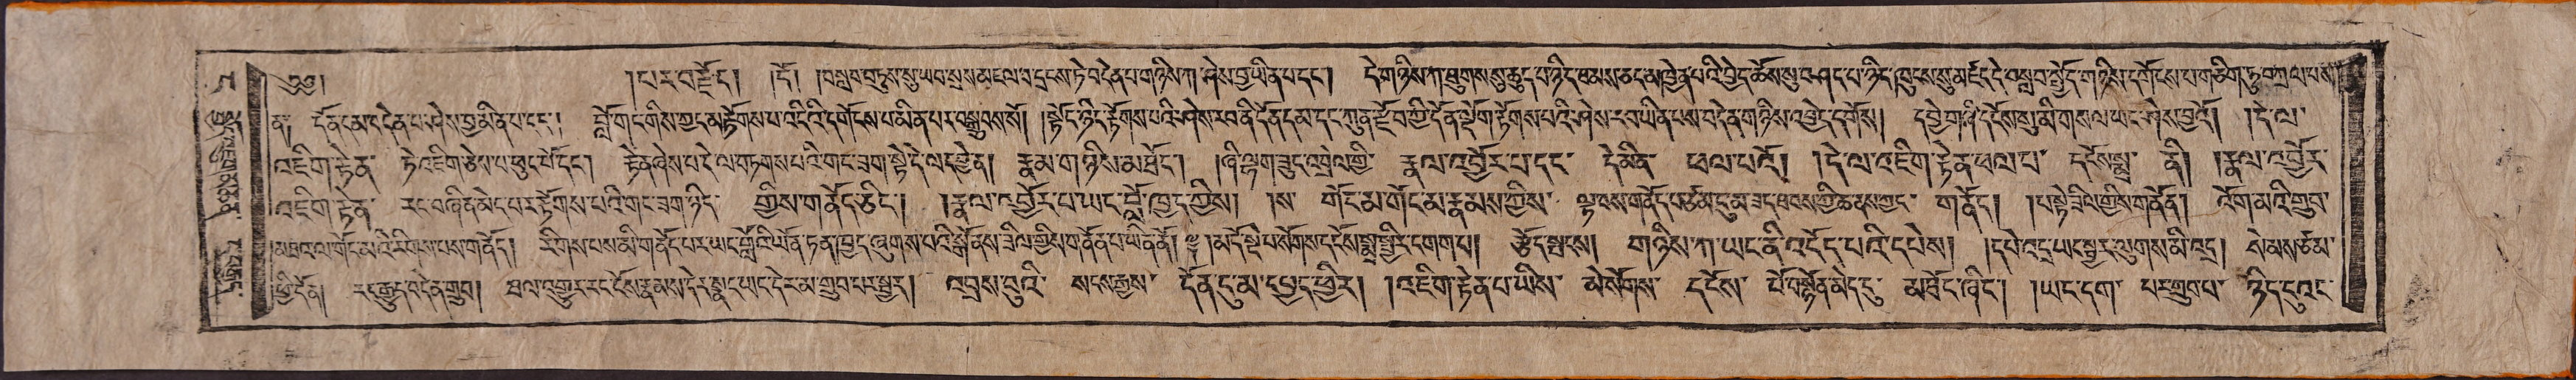༄༅། །པར་བརྗོད། །དོ། །བསླབ་བཏུས་སུ་ཡབ་སྲས་མཇལ་བ་དྲངས་ཏེ་བདེན་པ་གཉིས་ཀ་ཤེས་བྱ་ཡིན་པ་དང་། དེ་གཉིས་ཀ་ཐུགས་སུ་ཆུད་པ་ཉིད་ཐམས་ཅད་མཁྱེན་པའི་བྱེད་ཆོས་སུ་བཤད་པ་ཉིད་ཁུངས་སུ་མཛད་དེ་བསླབ་སྤྱོད་གཉིས་དགོངས་པ་གཅིག་ཏུ་བཀྲལ་བས་
ན༑ དོན་དམ་བདེན་པ་ཤེས་བྱ་མིན་པ་དང་། གློ་གང་གིས་ཀྱང་མ་རྟོགས་པ་འདིའི་དགོངས་པ་མིན་པར་བསྒྲུབས་སོ། །སྟོང་ཉིད་རྟོགས་པའི་ཤེས་རབ་ནི་དོན་དམ་དང་ཀུན་རྫོབ་ཀྱི་དོན་ལྡོག་རྟོགས་པའི་ཤེས་རབ་ཡིན་པས་བདེན་གཉིས་འབྱེད་དགོས། དབྱེ་གཞི་དངོས་སུ་མི་གསལ་ཡང་ཤེས་བྱའོ། །དེ་ལ་
འཇིག་རྟེན་ཏེ་འཇིག་ཅེས་པ་ཕུང་པོ་དང་། རྟེན་ཞེས་པ་དེ་ལ་བཏགས་པའི་གང་ཟག་སྟེ་དེ་ལ་དབྱེན།  རྣམ་གཉིས་མཐོང་། །ཞི་ལྷག་ཟུང་འབྲེལ་གྱི་རྣལ་འབྱོར་པ་དང་། དེ་མིན་ཕལ་པའོ། །དེ་ལ་འཇིག་རྟེན་ཕལ་པ་དངོས་སྨྲ་ནི། རྣལ་འབྱོར་
འཇིག་རྟེན་རང་བཞིན་མེད་པར་རྟོགས་པའི་གང་ཟག་ཉིད་གྱིས་གནོད་ཅིང་། །རྣལ་འབྱོར་པ་ཡང་བློ་ཁྱད་ཀྱིས། །ས་གོང་མ་གོང་མ་རྣམས་གྱིས་ལྟ་བས་གནོད་པ་ཙམ་དུ་མ་ཟད་ཐབས་ཀྱི་ཆ་ནས་ཀྱང་གནོད། །བསྟེ་ཟིལ་གྱིས་གནོན། འོག་མའི་གྲུབ་
མཐའ་ལ་གོང་མའི་རིགས་པས་གནོད། རིགས་པས་མི་གནོད་པར་ཡང་བློའི་ཡོན་ཏན་ཁྱད་ཞུགས་པའི་སྒོ་ནས་ཟིལ་གྱིས་གནོན་པ་ཡིན་ནོ། ༈ །མདོ་སྡེ་པ་སོགས་དངོས་སྨྲ་སྤྱིར་དགག་པ། རྩོད་སྤངས། གཉིས་ཀ་ཡང་ནི་འདོད་པའི་དཔེས། །དཔེ་འདྲ་ཡང་སྦྱར་ལུགས་མི་འདྲ། སེམས་ཙམ་
ཕྱི་དོན། རང་རྒྱུད་བདེན་གྲུབ། ཐལ་འགྱུར་རང་ངོས་རྣམས་དེར་སྣང་ཡང་དེར་མ་གྲུབ་པར་སྤྱར། འབྲས་བུའི་སངས་རྒྱས་དོན་དུ་མ་དཔྱད་ཕྱིར། །འཇིག་རྟེན་པ་ཡིས་མེ་སོགས་དངོས་པོ་བསྙོན་མེད་དུ་མཐོང་ཞིང་། །ཡང་དག་པར་གྲུབ་བ་ཉིད་དུའང་